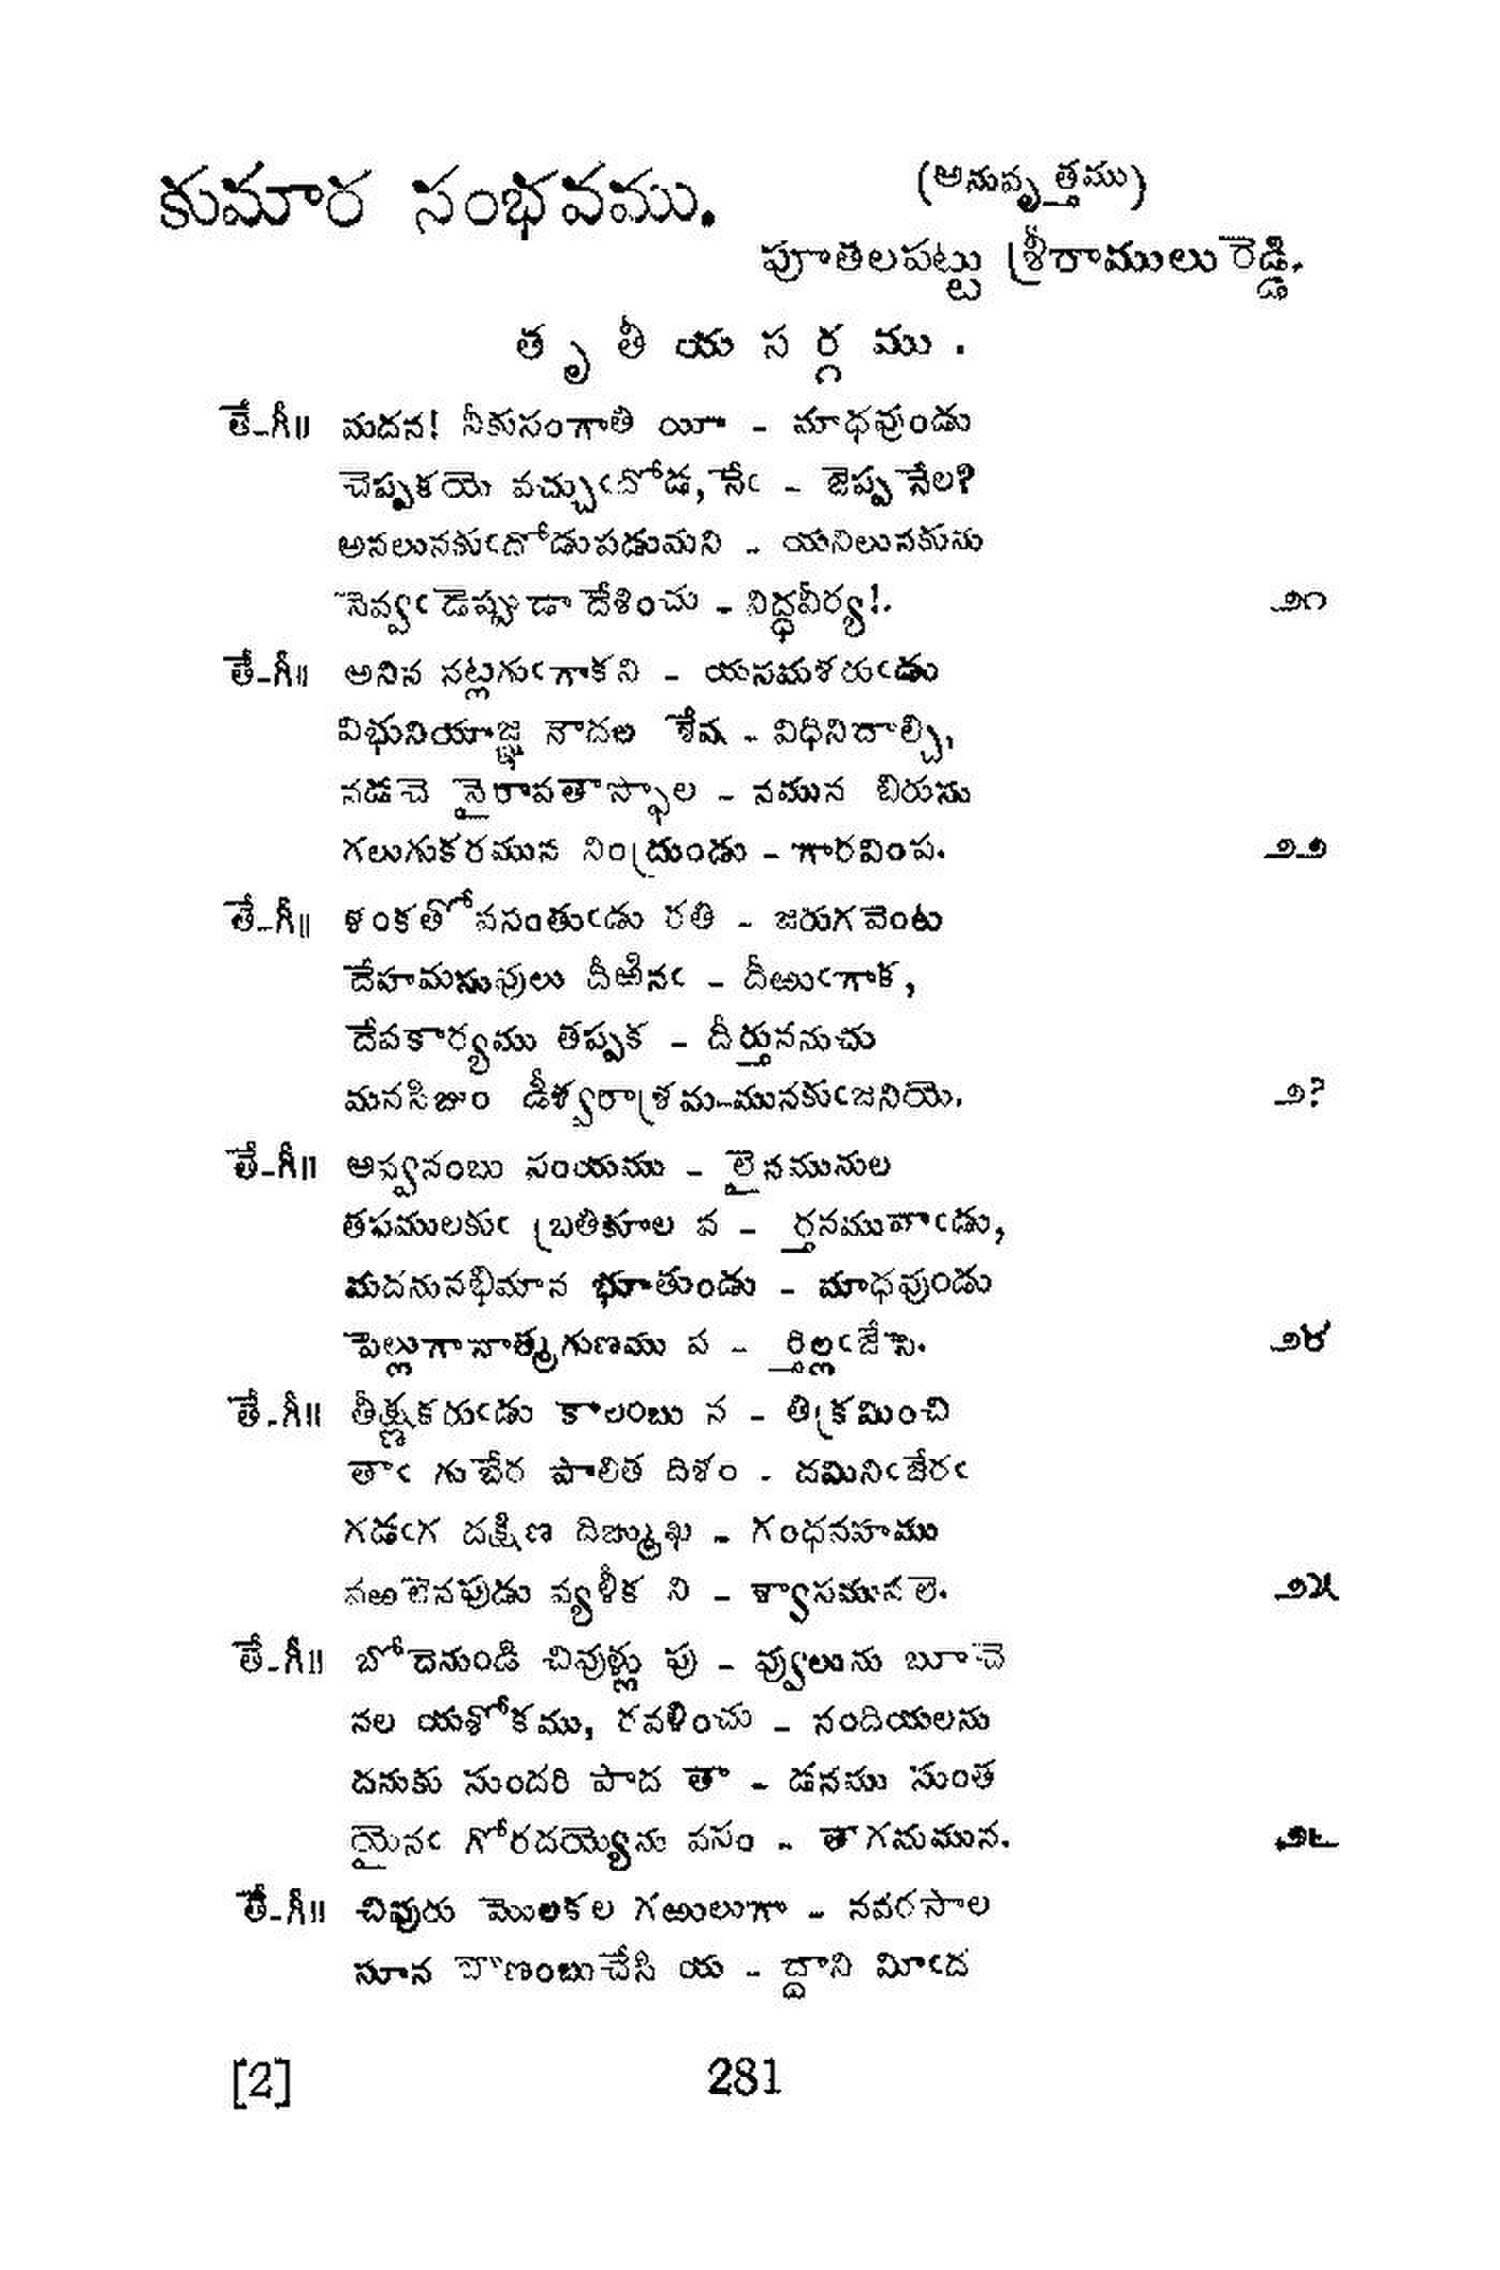కుమార సంభవము (అనువృత్తము) 

 తృ తీ య స ర్గ ము

తే.గీ|| మదన! నీకుస్సంగాతి యీ - మాధవుండు
 చెప్పకయే వచ్చుదోడ, నేం - జెప్పనేల?
 అసలునౌదోడుపడుమని - యనిలునకును
 వెవ్వ డెప్పుడాదేశించు - నిద్ధవీర్య!. 21
తే.గీ|| అనిన నట్లగుగాకవి - యపమశరుడు
 విభునియాజ్ఞ నొదల శేష - నిధినిదాల్చి
 నడచె నైరావతాస్ఫాల - నమున బిరుసు
 గలుగుకరమున నింద్రుండు -గారవింప 22
తే.గీ|| శంకతోవసంతుడు రతి - జరుగవెంట
 దేహమసువులు దీఱిన - దీఱుగాక,
 దేవకార్యము తప్పక - దీర్తుననుచు
 మనసిజుం డీశ్వరాశ్రమ-మునకుజనియె 23
తే.గీ|| అంవనంబు పంయము - లైనమునుల
 తపములకు బ్రతికూల వ -ర్తనమువాడు,
 మదనునభిమాన భూతుడు - మాధవుండు
 పెల్లుగానాత్మగుణము ప - ర్తిల్లజేసె. 24
తే.గీ|| తీక్షకరుడు కాలంబు న - తిక్రమించి
 తా గులేర పాలిత దిశం - దమినిజేర
 గడగ దక్షిణ దిజ్ముఖ - గంధనహము
 నఱులెపుడు వ్యళీక ని - శ్వాసమునలె 25
తే.గీ|| బోదెనుండి చివుళ్లు పు - వ్వులును లూచె
 నల యశోకము, రవళించు - నందియలను
 దనుకు సుందరి పాద తా - డనము నుంత
 యైన గొరదయ్యెను వసం - తాగమమున 26
తే.గీ|| చివురు మొలకల గఱులుగా - నవరసాల
 సూన బాణంబుచేసి య - ద్దాని మీద